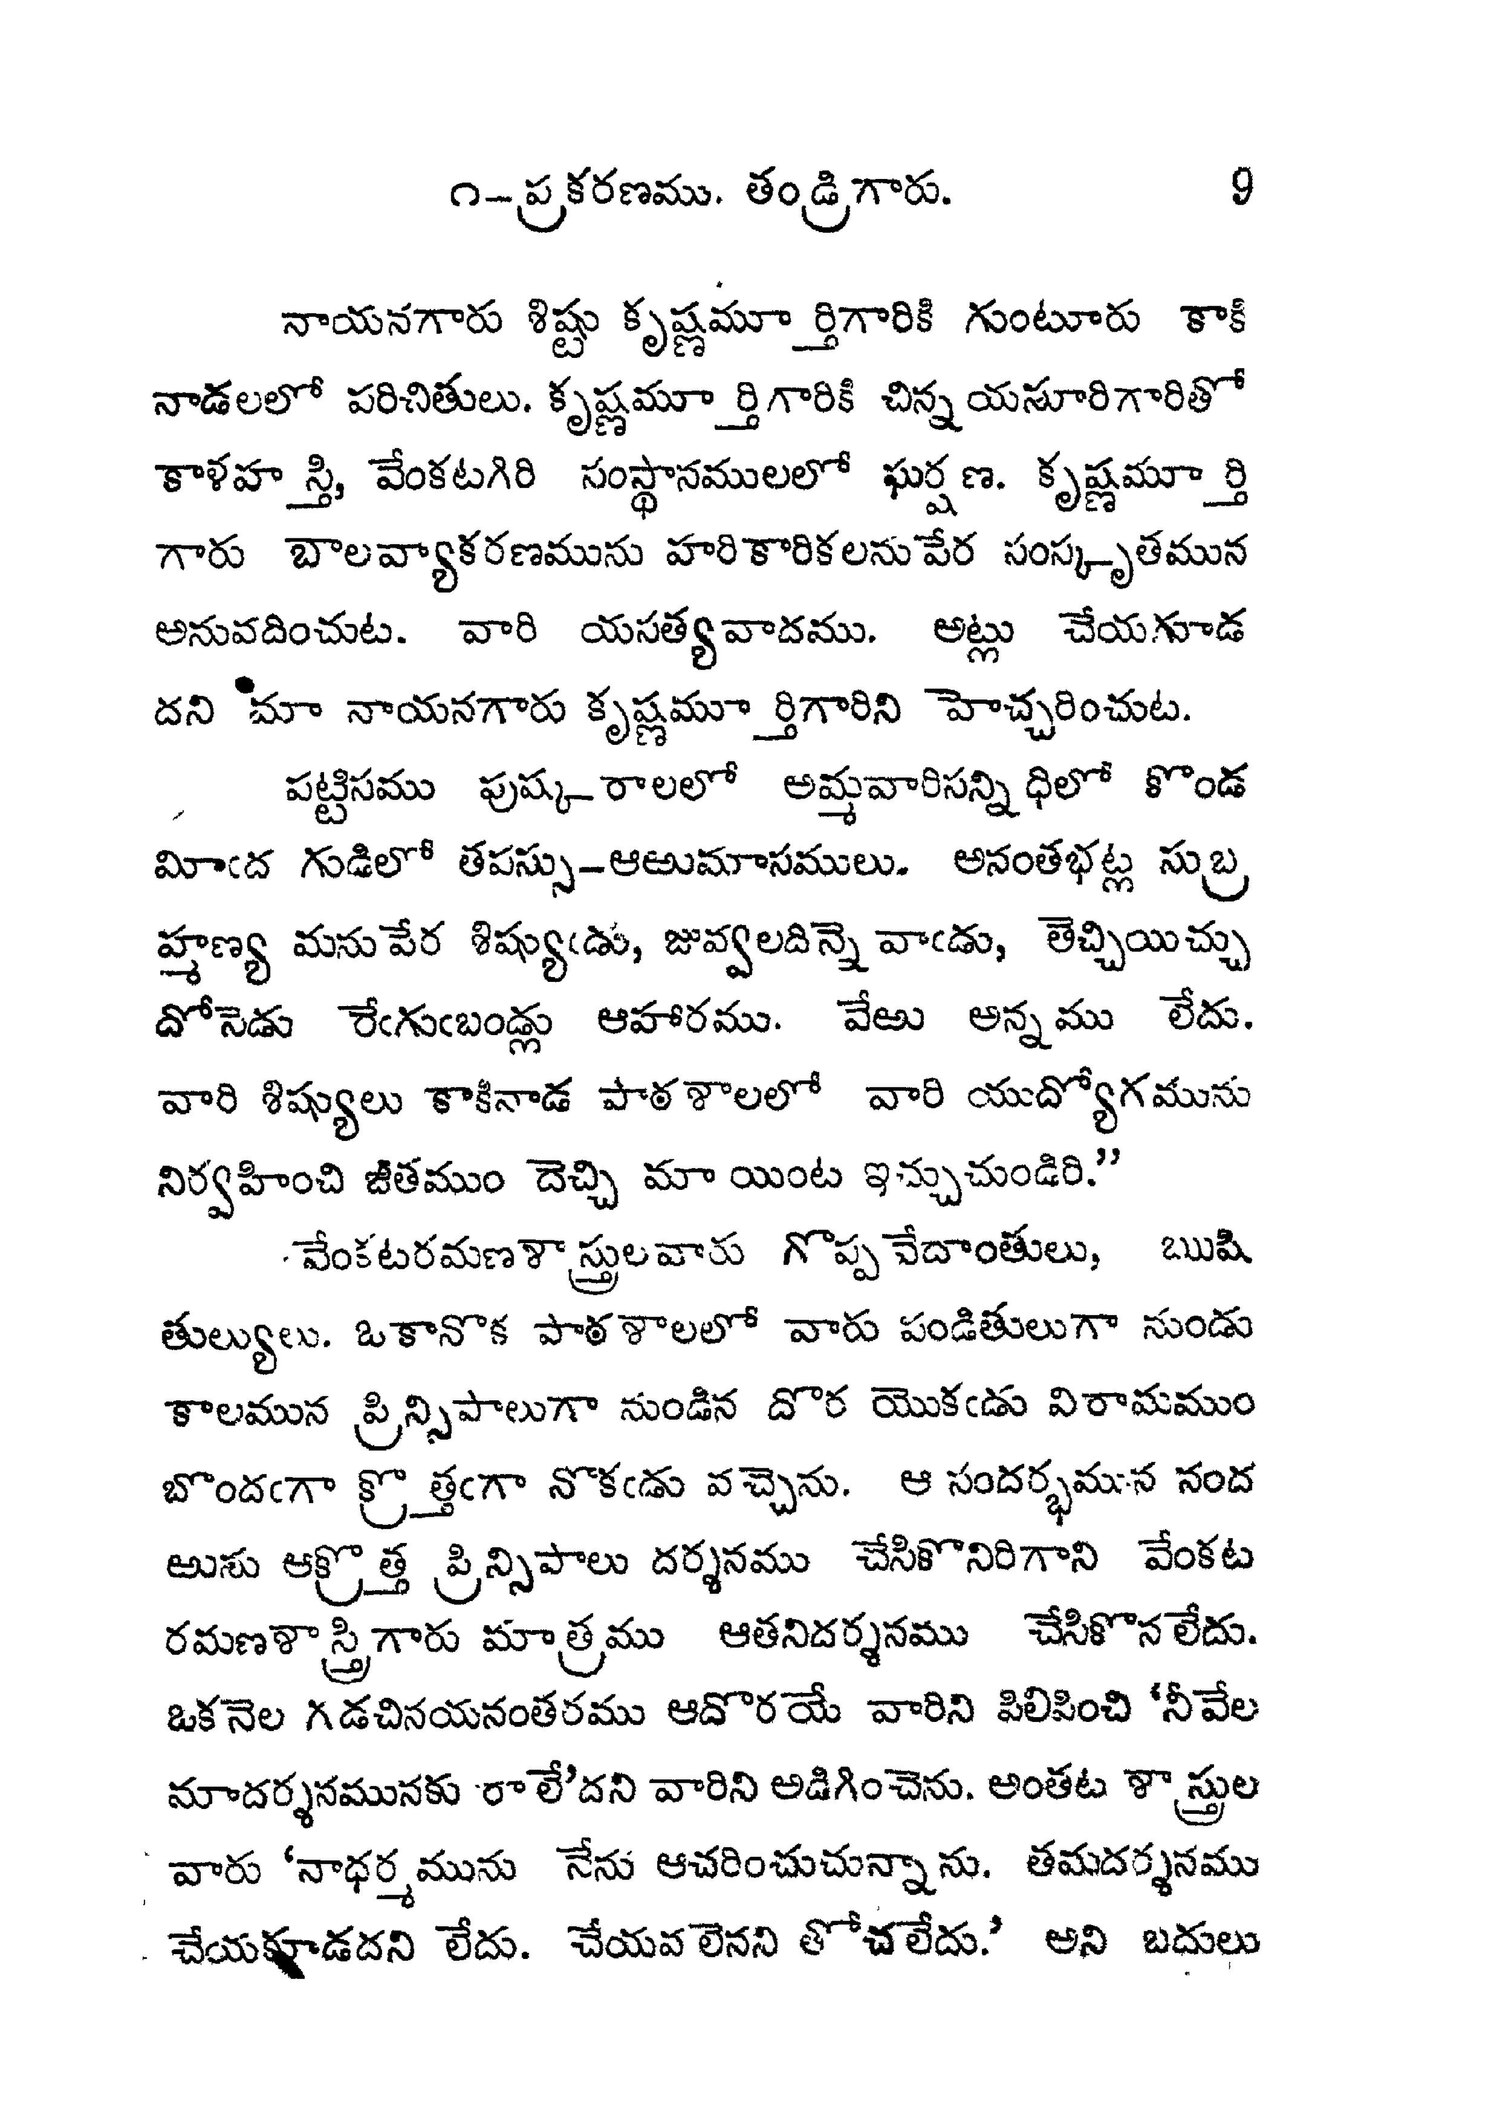నాయనగారు శిష్టు కృష్ణమూర్తిగారికి గుంటూరు కాకినాడలలో పరిచితులు. కృష్ణమూర్తిగారికి చిన్నయసూరిగారితో కాళహస్తి, వేంకటగిరి సంస్థానములలో ఘర్శ్హణ. కృష్ణమూర్తిగారు బాలవ్యాకరణమును హరికారికలనుపేర సంస్కృతమున అనువదించుట. వారి యసత్యవాదము. అట్లు చేయగూడదని మా నాయనగారు కృష్ణమూర్తిగారిని హెచ్చరించుట.

పట్టిసము పుష్కరాలలో అమ్మవారిసన్నిధిలో కొండ మీద గుడిలో తపస్సు - ఆఱుమాసములు. అనంతభట్ల సుబ్రహ్మణ్య మనుపేర శిష్యుడు, జూవ్వలదిన్నెవాడు, తెచ్చియిచ్చు దోసెడు రేగుబండ్లు ఆహారము. వేఱు అన్నము లేదు. వారి శిష్యులు కాకినాడ పాఠశాలలో వారి యుద్యోగమును నిర్వహించి జీతముం దెచ్చి మా యింట ఇచ్చుచుండిరి."

వేంకటరమణశాస్త్రులవారు గొప్పవేదాంతులు, ఋషితుల్యులు. ఒకానొక పాఠశాలలో వారు పండితులుగా నుండు కాలమున ప్రిన్సిపాలుగా నుండిన దొర యొకడు విరామముం బొందగా క్రొత్తగా నొకడు వచ్చెను. ఆ సందర్భమున నందఱును ఆక్రొత్త ప్రిన్సిపాలు దర్శనము చేసికొనిరిగాని వేంకటరమణశాస్త్రిగారు మాత్రము ఆతనిదర్శనము చేసికొనలేదు. ఒకనెల గడచినయనంతరము ఆదొరయే వారిని పిలిపించి 'నీవేల మాదర్శనమునకు రాలే'దని వారిని అడిగించెను. అంతట శాస్త్రుల వారు 'నాధర్మమును నేను ఆచరించుచున్నాను. తమదర్శనము చేయకూడదని లేదు. చేయవలెనని తోచలేదు.' అని బదులు